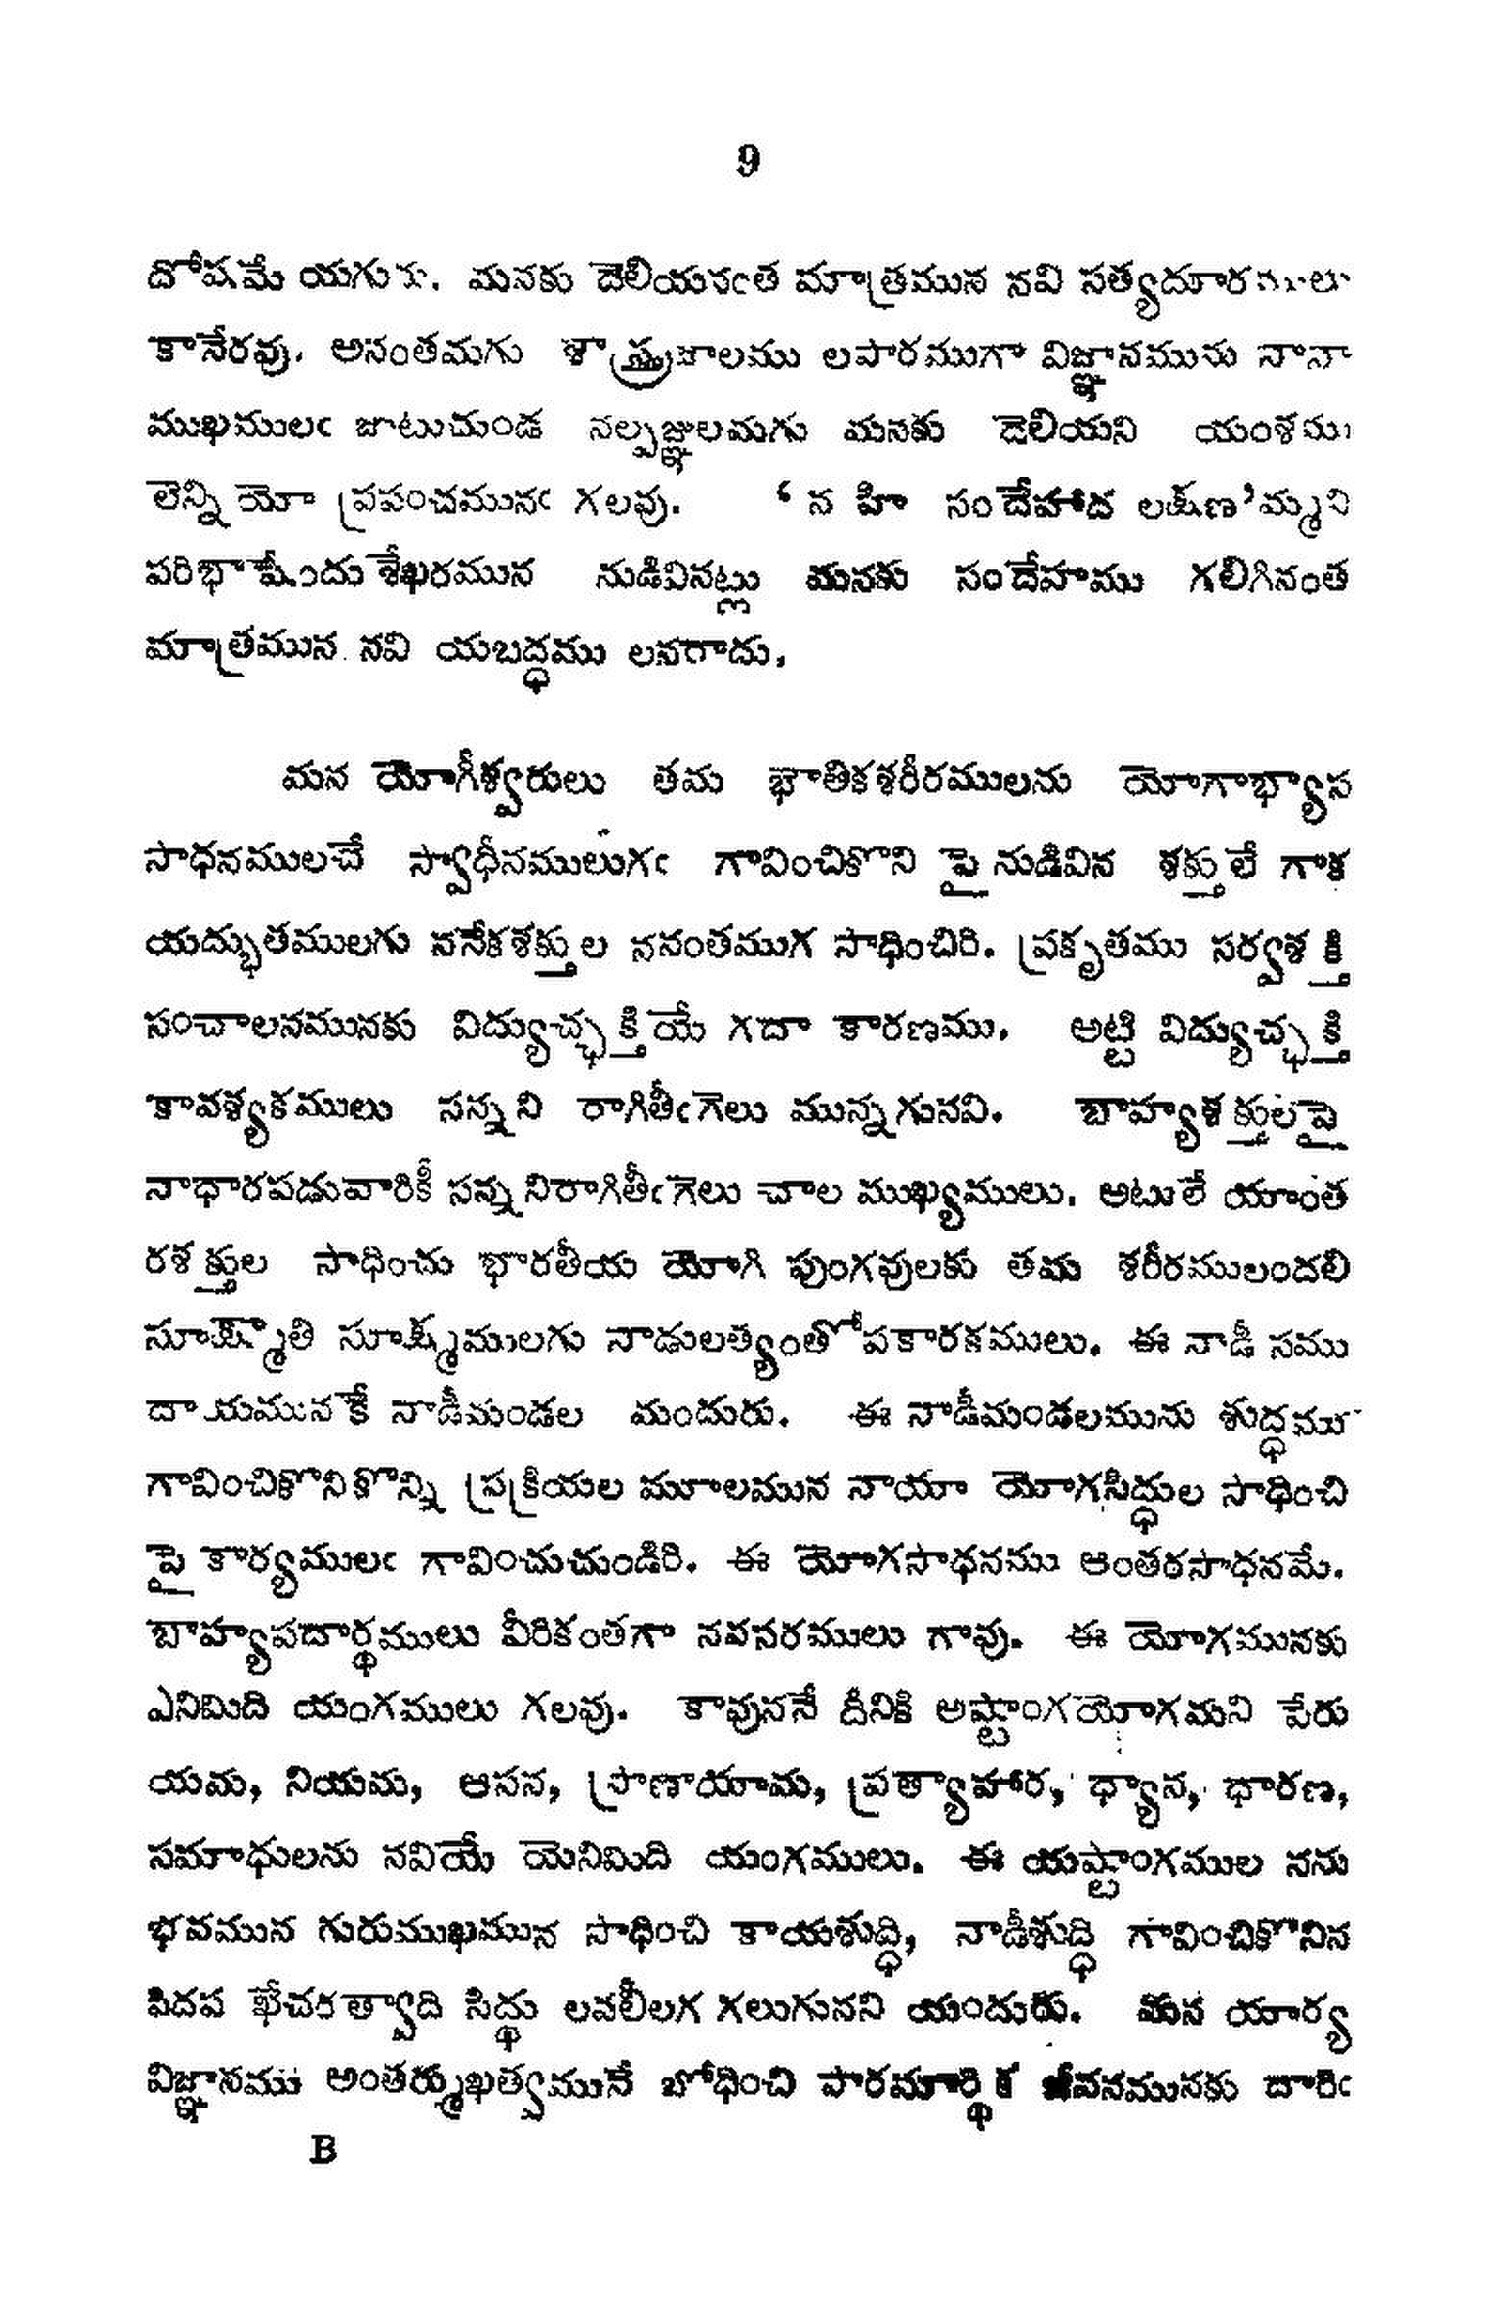దోషమే యగును. మనకు తెలియనంత మాత్రమున నవి సత్యదూరములు కానేరవు. అనంతమగు శాస్త్రజాలము లపారముగా విజ్ఞానమును నానాముఖములఁ జాటుచుండ నల్పజ్ఞులమగు మనకు దెలియని యంశము లెన్నియో ప్రపంచమునఁ గలవు. 'న హి సందేహాద లక్షణ'మ్మని పరిభాషేందుశేఖరమున నుడివినట్లు మనకు సందేహము గలిగినంతమాత్రమున నవి యబద్ధము లనరాదు.

మన యోగీశ్వరులు తమ భౌతికశరీరములను యోగాభ్యాససాధనములచే స్వాధీనములుగఁ గావించికొని పై నుడివిన శక్తులే గాక యద్భుతములగు ననేకశక్తులు ననంతముగ సాధించిరి. ప్రకృతము సర్వశక్తిసంచాలనమునకు విద్యుచ్ఛక్తియే గదా కారణము. అట్టి విద్యుచ్ఛక్తి కావశ్యకములు సన్నని రాగితీఁగెలు మున్నగునవి. బాహ్యశక్తులపై నాధారపడువారి కీసన్ననిరాగితీఁగెలు చాల ముఖ్యములు. అటులే యాంతరశక్తుల సాధించు భారతీయ యోగిపుంగవులకు తమ శరీరములందలి సూక్ష్మాతిసూక్ష్మము లగునాడు లత్యంతోపకారకములు. ఈనాడీసముదాయమునకే నాడీమండల మందురు. ఈనాడీమండలమును శుద్ధము గావించికొని కొన్నిప్రక్రియలమూలమున నాయాయోగసిద్ధుల సాధించి పైకార్యములఁ గావించుచుండిరి. ఈయోగసాధనము అంతరసాధనమే. బాహ్యపదార్థములు వీరి కంతగా నవసరములు గావు. ఈయోగమునకు ఎనిమిది యంగములు గలవు. కావుననే దీనికి అష్టాంగయోగమని పేరు. యమ, నియమ, ఆసన, ప్రాణాయామ, ప్రత్యాహార, ధ్యాన, ధారణ, సమాధులను నవియే యెనిమిది యంగములు. ఈ యష్టాంగముల ననుభవమున గురుముఖమున సాధించి కాయశుద్ధి, నాడీశుద్ధి గావించికొనినపిదప ఖేచరత్వాదిసిద్ధు లవలీలగ గలుగునని యందురు. మన యార్యవిజ్ఞానము అంతర్ముఖత్వమునే బోధించి పారమార్థికజీవనమునకు దారిఁ